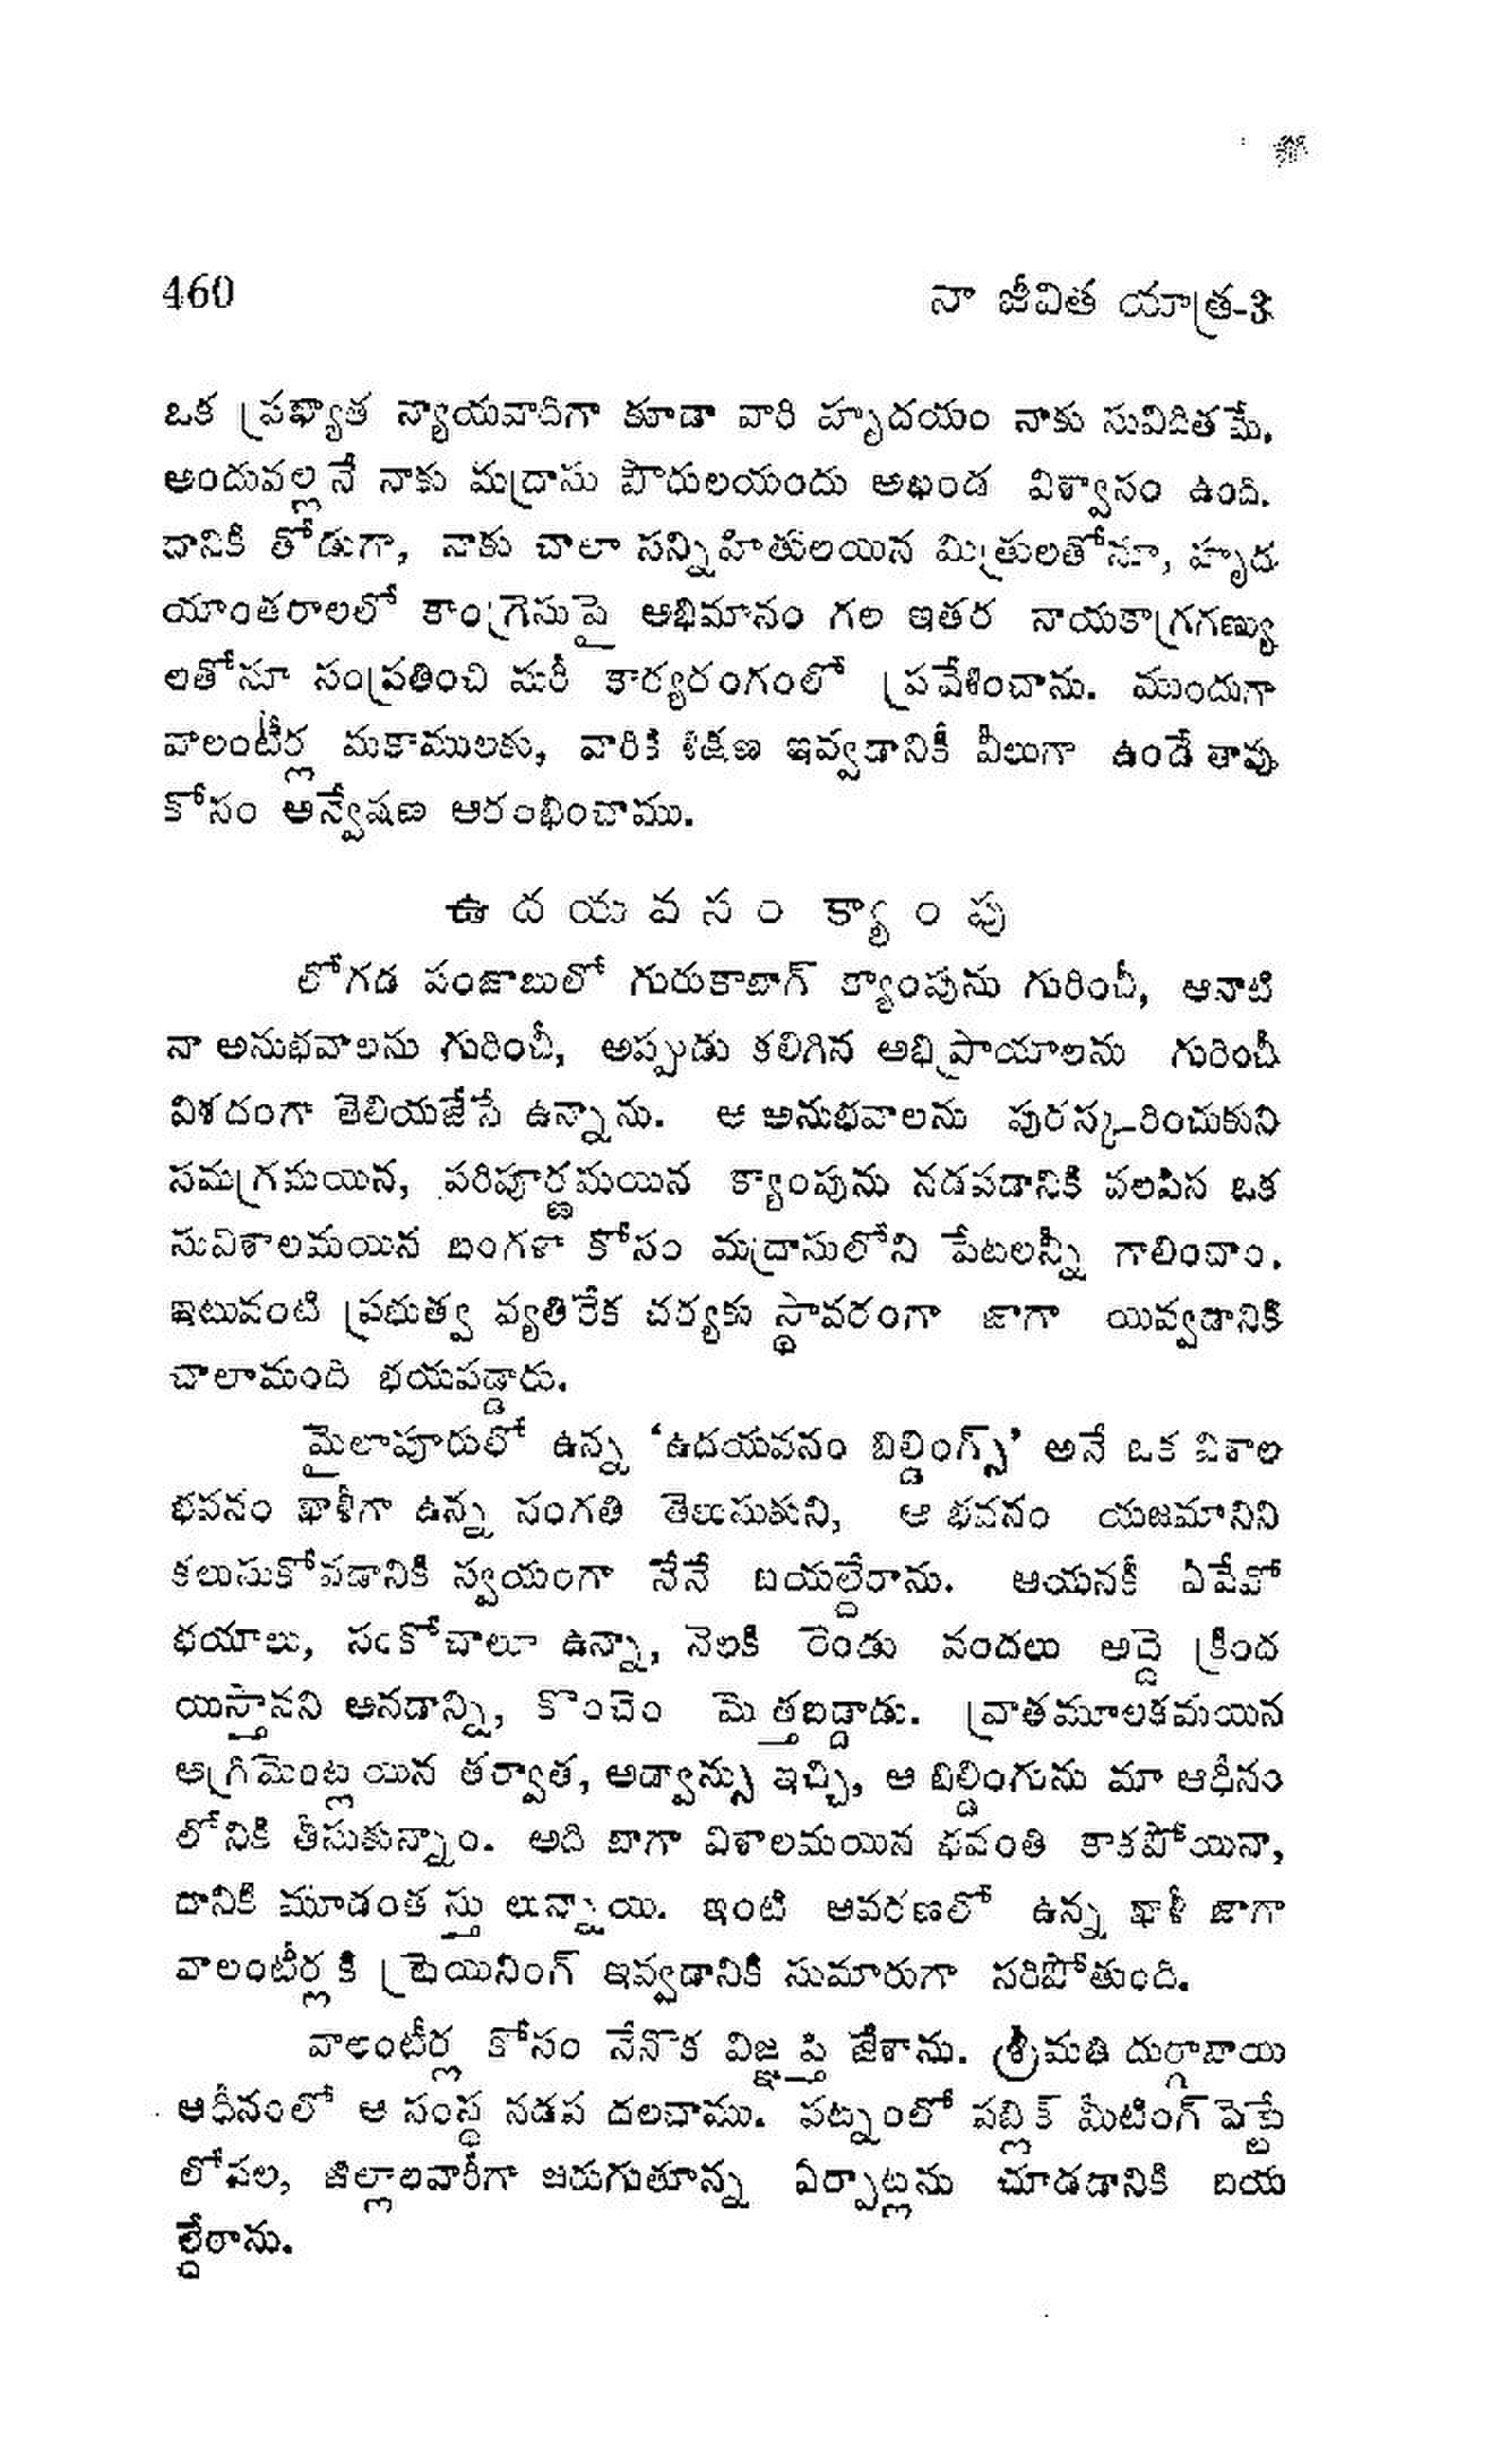ఒక ప్రఖ్యాత న్యాయవాదిగా కూడా వారి హృదయం నాకు సువిదితమే. అందువల్లనే నాకు మద్రాసు పౌరులయందు అఖండ విశ్వాసం ఉంది. దానికి తోడుగా, నాకు చాలా సన్నిహితులయిన మిత్రులతోనూ, హృదయాంతరాలలో కాంగ్రెసుపై అభిమానం గల ఇతర నాయకాగ్రగణ్యులతోనూ సంప్రతించి మరీ కార్యరంగంలో ప్రవేశించాను. ముందుగా వాలంటీర్ల మకాములకు, వారికి శిక్షణ ఇవ్వడానికీ వీలుగా ఉండే తావుకోసం అన్వేషణ ఆరంభించాము.

లోగడ పంజాబులో గురుకాబాగ్ క్యాంపును గురించీ, ఆనాటి నా అనుభవాలను గురించీ, అప్పుడు కలిగిన అభిప్రాయాలను గురించీ విశదంగా తెలియజేసే ఉన్నాను. ఆ అనుభవాలను పురస్కరించుకుని సమగ్రమయిన, పరిపూర్ణమయిన క్యాంపును నడపడానికి వలసిన ఒక సువిశాలమయిన బంగళా కోసం మద్రాసులోని పేటలన్నీ గాలించాం. ఇటువంటి ప్రభుత్వ వ్యతిరేక చర్యకు స్థావరంగా జాగా యివ్వడానికి చాలామంది భయపడ్డారు.

మైలాపూరులో ఉన్న 'ఉదయవనం బిల్డింగ్స్‌' అనే ఒక విశాల భవనం ఖాళీగా ఉన్న సంగతి తెలుసుకుని, అ భవనం యజమానిని కలుసుకోవడానికి స్వయంగా నేనే బయల్దేరాను. ఆయనకీ ఏవేవో భయాలు, సంకోచాలూ ఉన్నా, నెలకి రెండు వందలు అద్దె క్రింద యిస్తానని అనడాన్ని, కొంచెం మెత్తబడ్డాడు. వ్రాతమూలకమయిన అగ్రిమెంట్లయిన తర్వాత, అడ్వాన్సు ఇచ్చి, ఆ బిల్డింగును మా ఆధీనంలోనికి తీసుకున్నాం. అది బాగా విశాలమయిన భవంతి కాకపోయినా, దానికి మూడంతస్తు లున్నాయి. ఇంటి ఆవరణలో ఉన్న ఖాళీ జాగా వాలంటీర్లకి ట్రెయినింగ్ ఇవ్వడానికి సుమారుగా సరిపోతుంది.

వాలంటీర్ల కోసం నేనొక విజ్ఞప్తి జేశాను. శ్రీమతి దుర్గాబాయి ఆధీనంలో ఆ సంస్థ నడప దలచాము. పట్నంలో పబ్లిక్ మీటింగ్ పెట్టే లోపల, జిల్లాలవారీగా జరుగుతూన్న ఏర్పాట్లను చూడడానికి బయల్దేరాను.